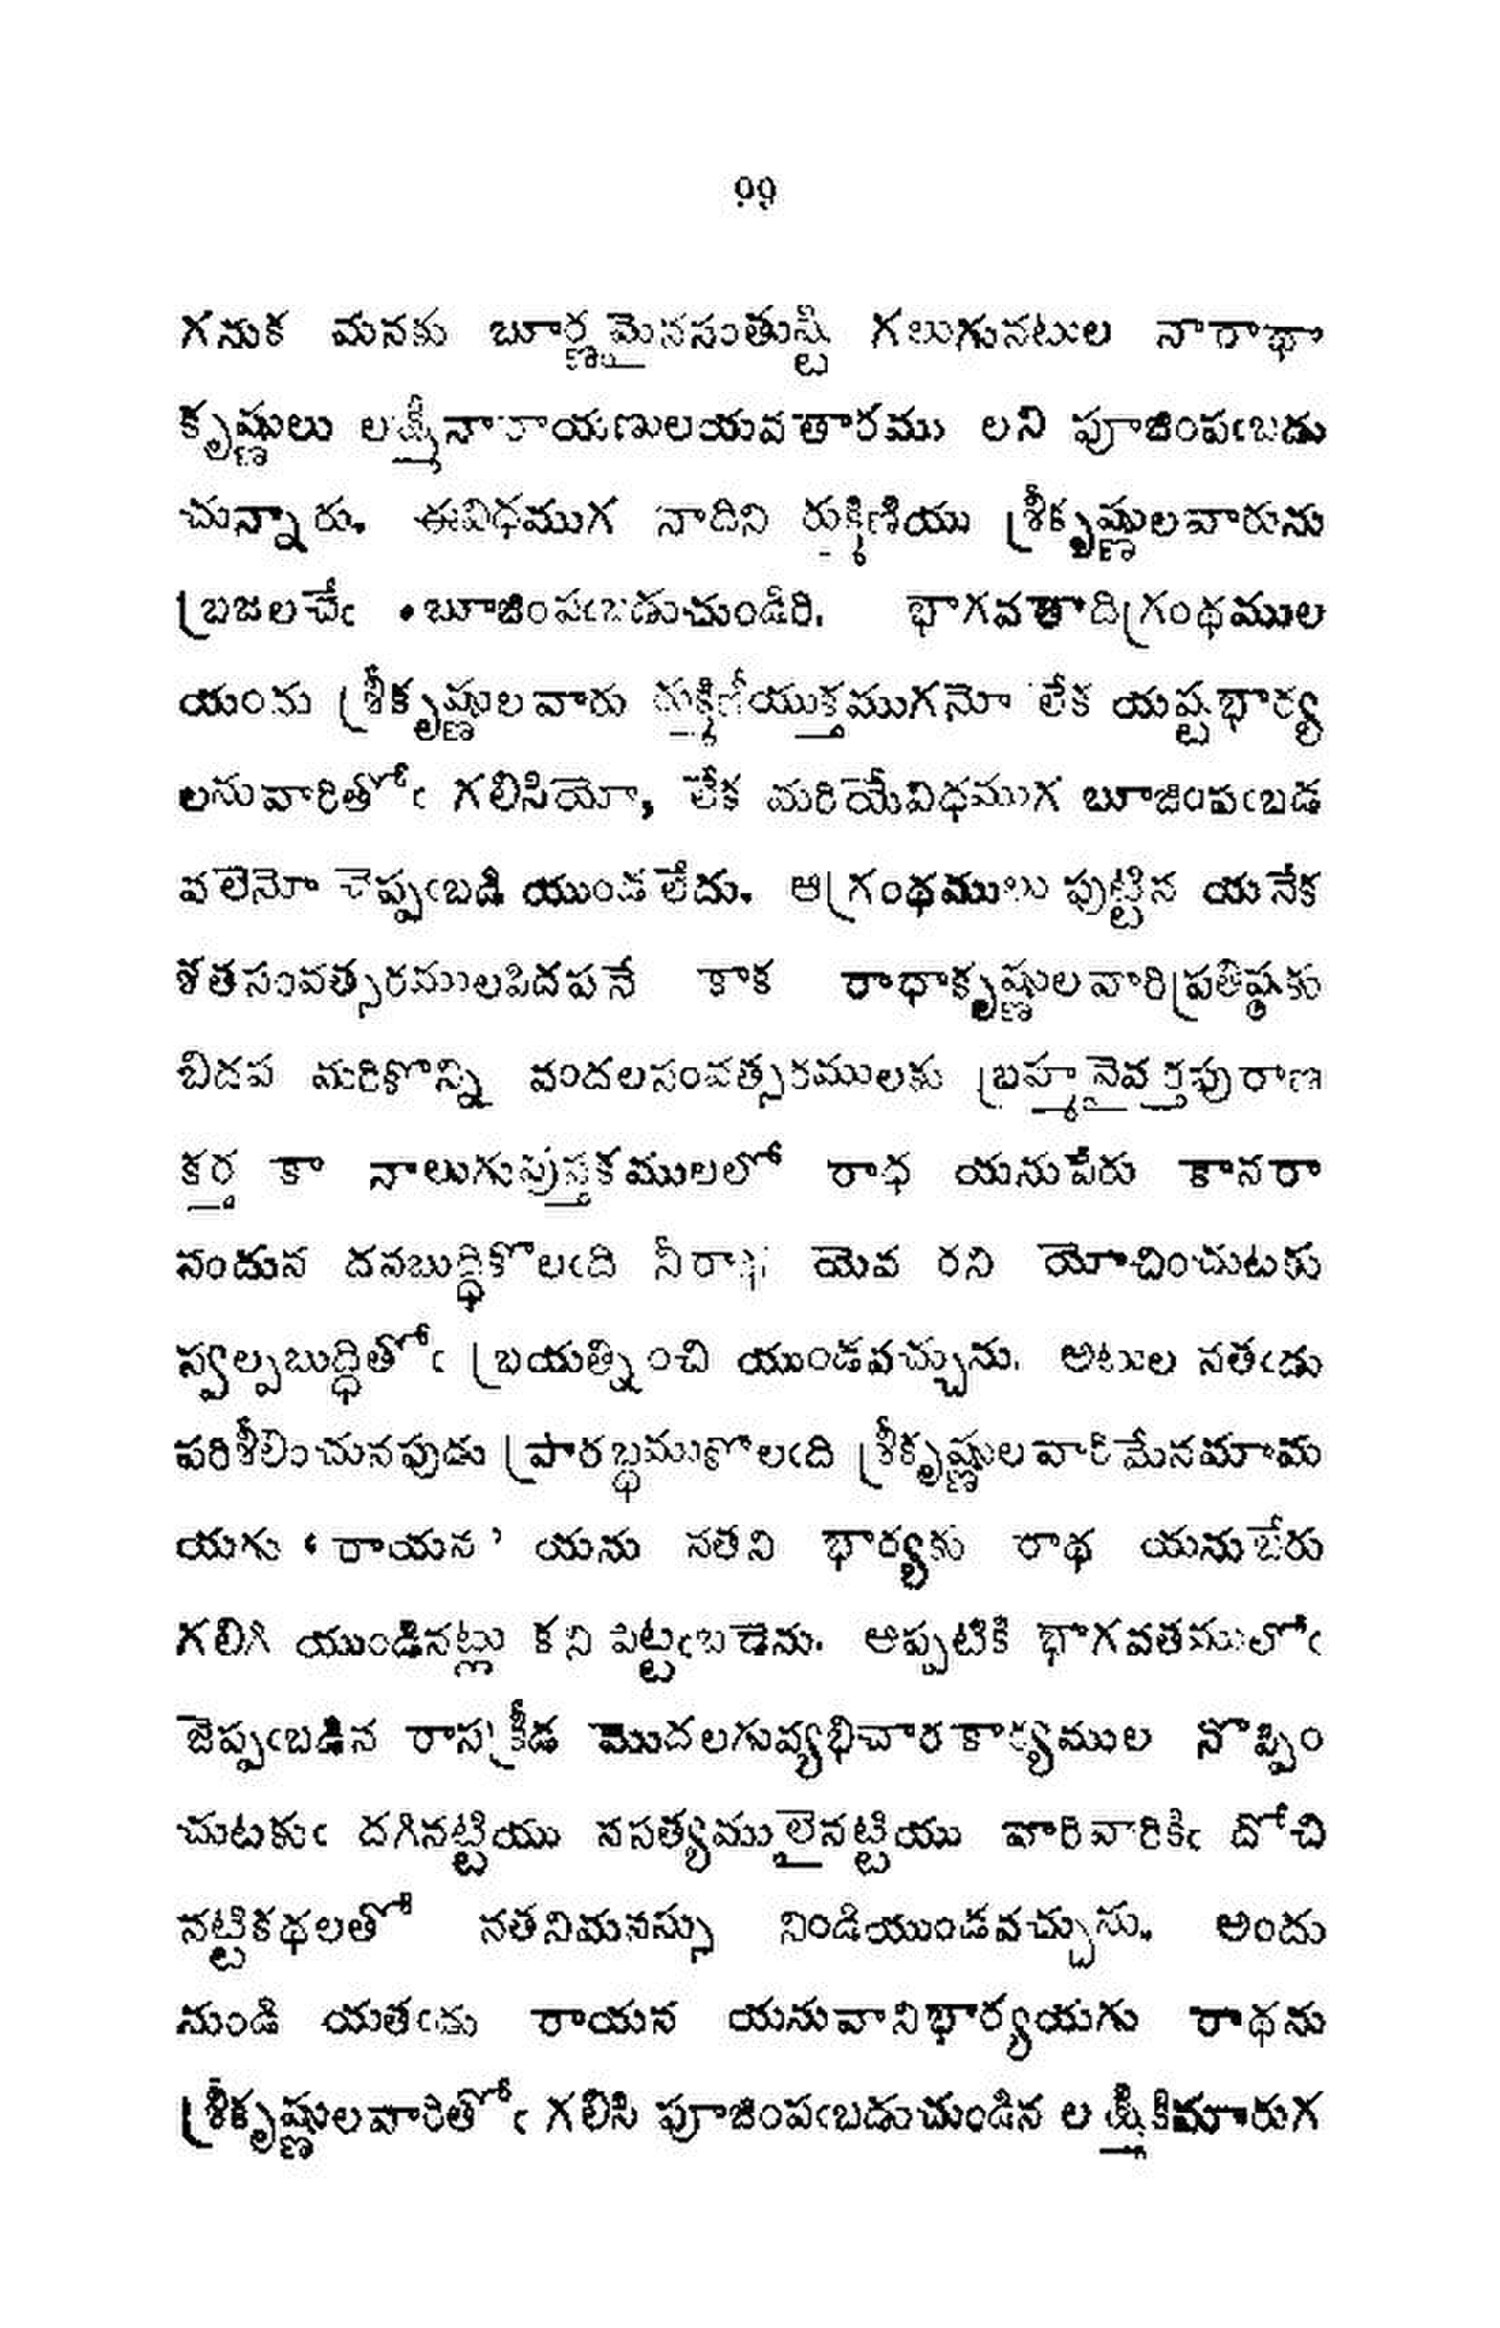గనుక మనకు బూర్ణమైనసంతుష్టి గులుగునటుల నారాథాకృష్ణులు లక్ష్మీనారాయణులయవతారము లని పూజింపఁబడుచున్నారు. ఈవిధముగ నాదిని రుక్మిణియు శ్రీకృష్ణులవారును బ్రజలచేఁ బూజింపఁబడుచుండిరి. భాగవతాదిగ్రంథముల యందు శ్రీకృష్ణులవారు రుక్మిణీయుక్తముగనో లేక యష్టభార్యలనువారితోఁ గలిసియో, లేక మరియేవిధముగ బూజింపఁబడవలెనో చెప్పఁబడి యుండలేదు. ఆగ్రంథములు పుట్టిన యనేక శతసంవత్సరములపిదపనే కాక రాధాకృష్ణులవారి ప్రతిష్ఠకు బిదప మరికొన్ని వందలసంవత్సరములకు బ్రహ్మవైవర్తపురాణ కర్త కా నాలుగుపుస్తకములలో రాధ యనుపేరు కానరానందున దనబుద్ధికొలఁది నీరాథ యెవ రని యోచించుటకు స్వల్పబుద్ధితోఁ బ్రయత్నించి యుండవచ్చును. అటుల నతఁడు పరిశీలించునపుడు ప్రారబ్ధముకొలఁది శ్రీకృష్ణులవారి మేనమామ యగు 'రాయన' యను నతని భార్యకు రాథ యనుబేరు గలిగి యుండినట్లు కనిపెట్టఁబడెను. అప్పటికి భాగవతములోఁ జెప్పఁబడిన రాసక్రీడ మొదలగువ్యభిచార కార్యముల నొప్పించుటకుఁ దగినట్టియు ససత్యములైనట్టియు వారివారికిఁ దోచినట్టికథలతో నతనిమసస్సు నిండియుండవచ్చును. అందు నుండి యతఁడు రాయన యనువానిభార్యయగు రాథను
శ్రీకృష్ణులవారితోఁ గలిసి పూజింపఁబడుచుండిన లక్ష్మికిమారుగ